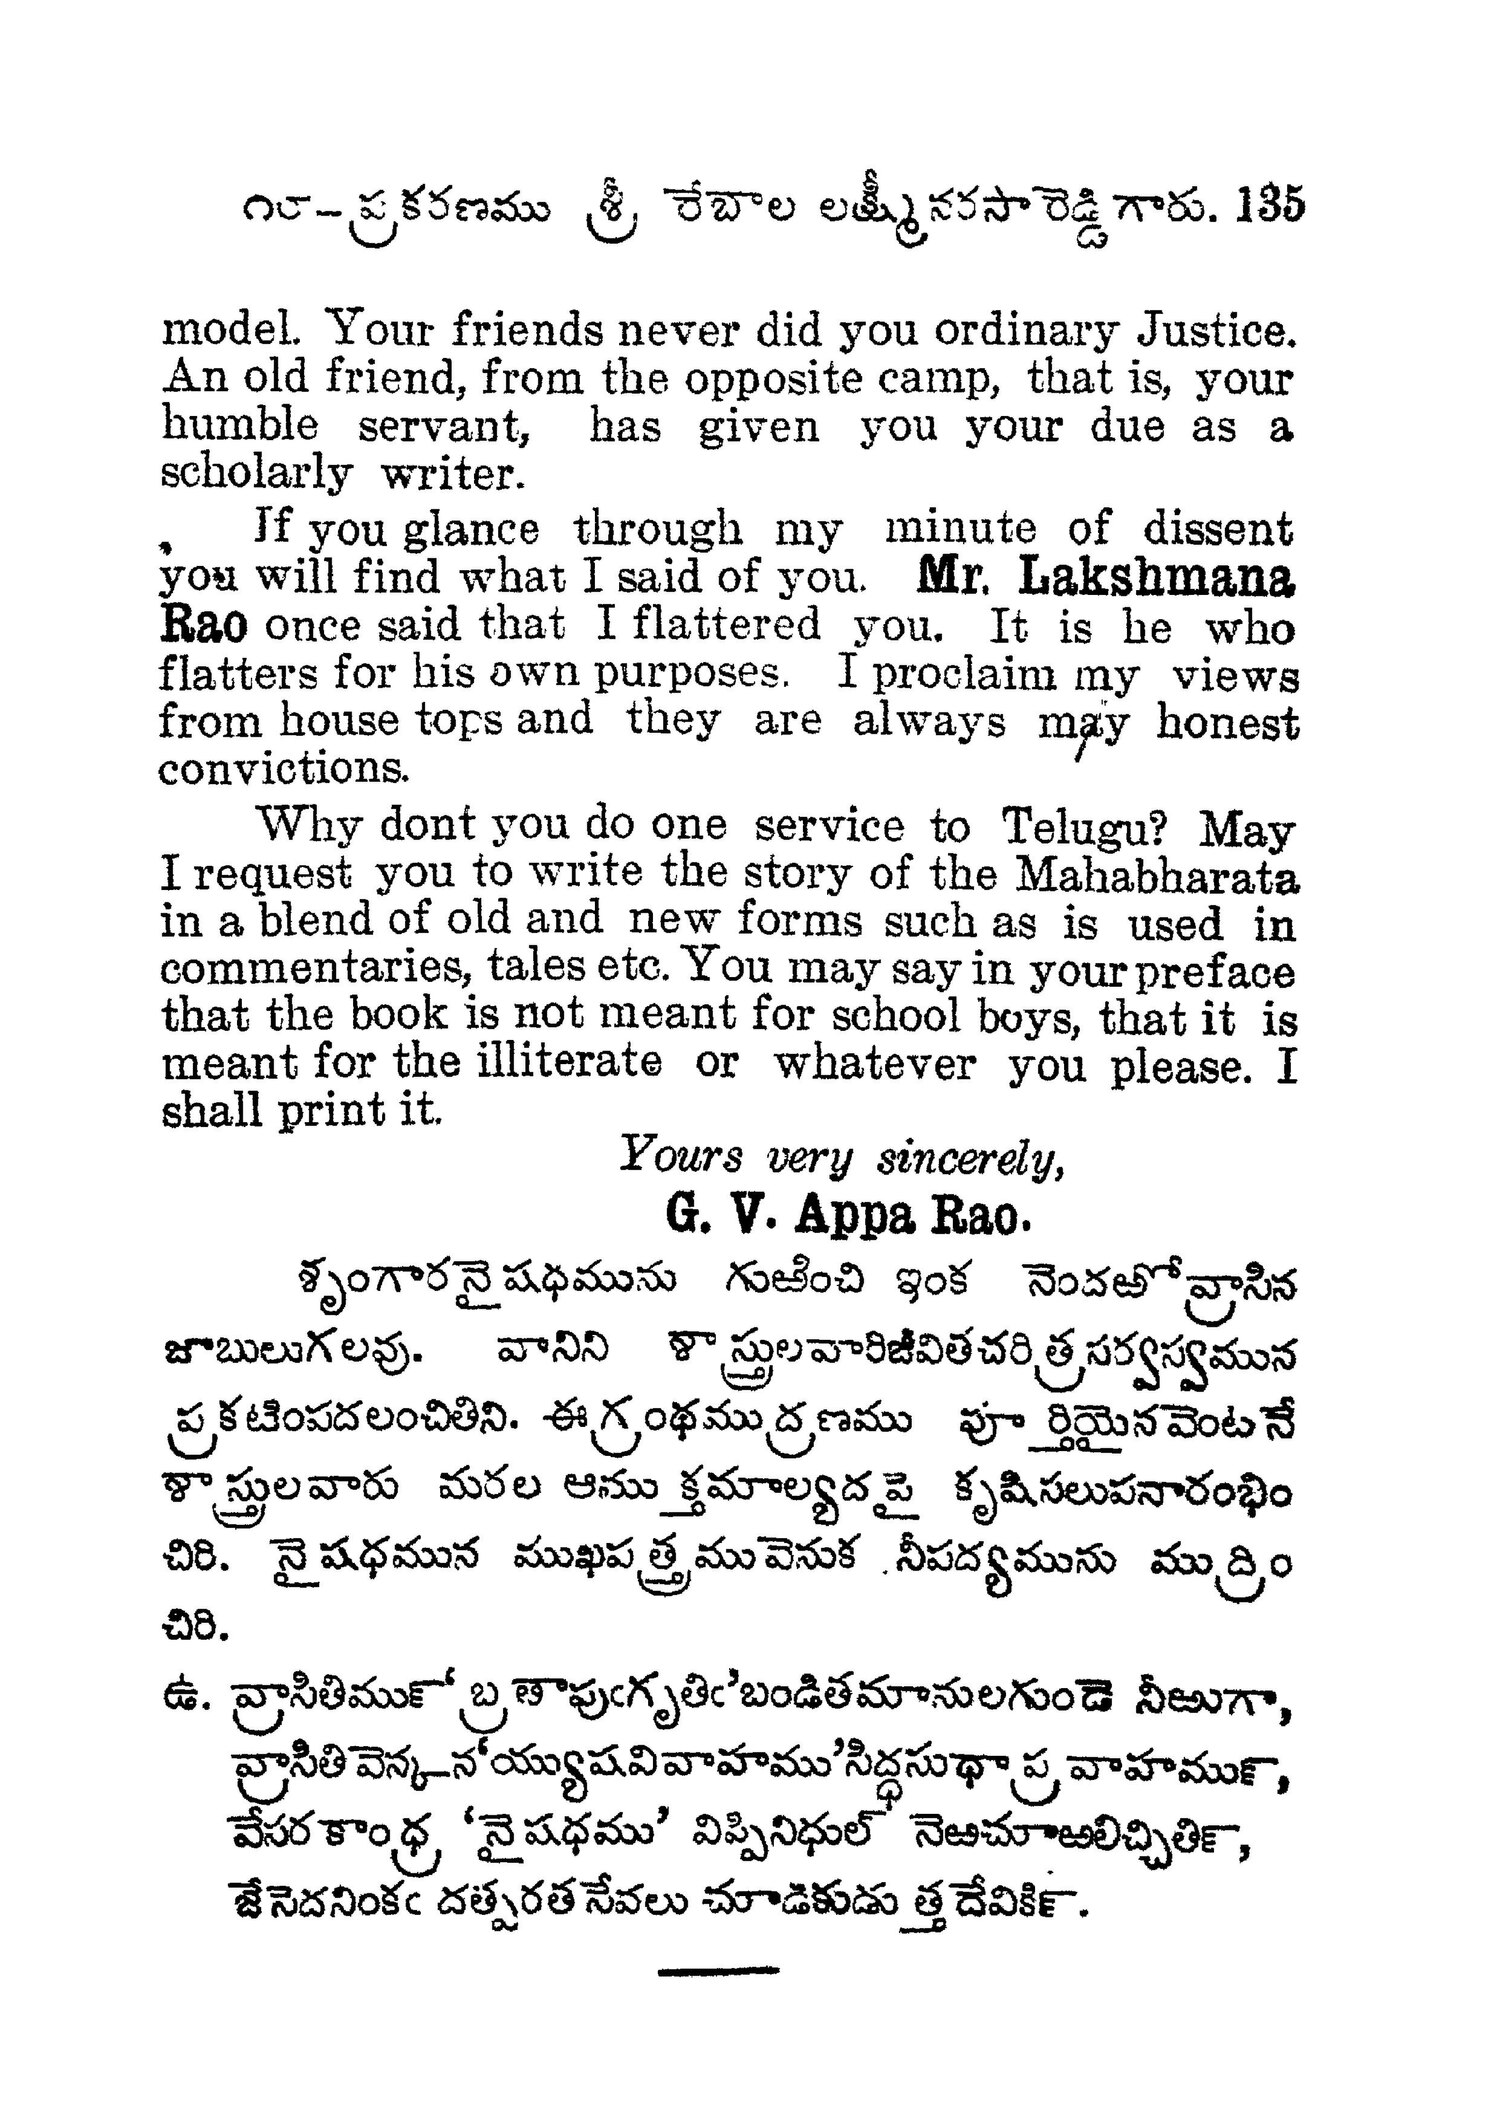model. Your friends never did you ordinary Justice. An old friend, from the opposite camp, that is, your humble servant, has given you your due as a scholarly writer.

If you glance through my minute of dissent you will find what I said of you Mr. Lakshmana Rao once said that I flattered you. It is he who flatters for his own purposes. I priclaim my views from house tops and they are always my honest convictions.

Why dont you do one service to Telugu? May I request you to write the story of the Mahabharata in a blend of old and new forms such as is used in commentaries, tales etc. You may say in your preface that the book is not meant for school boys, that it as meant for the illiterate or whatever you please. I shall print it.
 yours very sincerely
 G. V. Appa Rao.

శృంగారనైషధమును గుఱించి ఇంక నెందఱోవ్రాసిన జాబులుగలవు. వానిని శాస్త్రులవారి జీవితచరిత్రసర్వస్వమున ప్రకటింపదలంచితిని. ఈగ్రంథముద్రణము పూర్తియైనవెంటనే శాస్త్రులవారు మరల ఆముక్తమాల్యదపై కృషిసలుపనారంభించిరి. నైషధమున ముఖపత్రమువెనుక నీపద్యమును ముద్రించిరి.

ఉ. వ్రాసితిమున్'బ్రతాపుగృతి'బండితమానులగుండె నీఱుగా,
 వ్రాసితివెన్కన'య్యుషవివాహము'సిద్ధసుథాప్రవాహమున్,
 వేసరకాంధ్ర 'నైషధము' విప్పినిధుల్ నెఱచూఱలిచ్చితిన్,
 జేసెదనింక దత్పరతసేవలు చూడికుడుత్తదేవికిన్.

__________